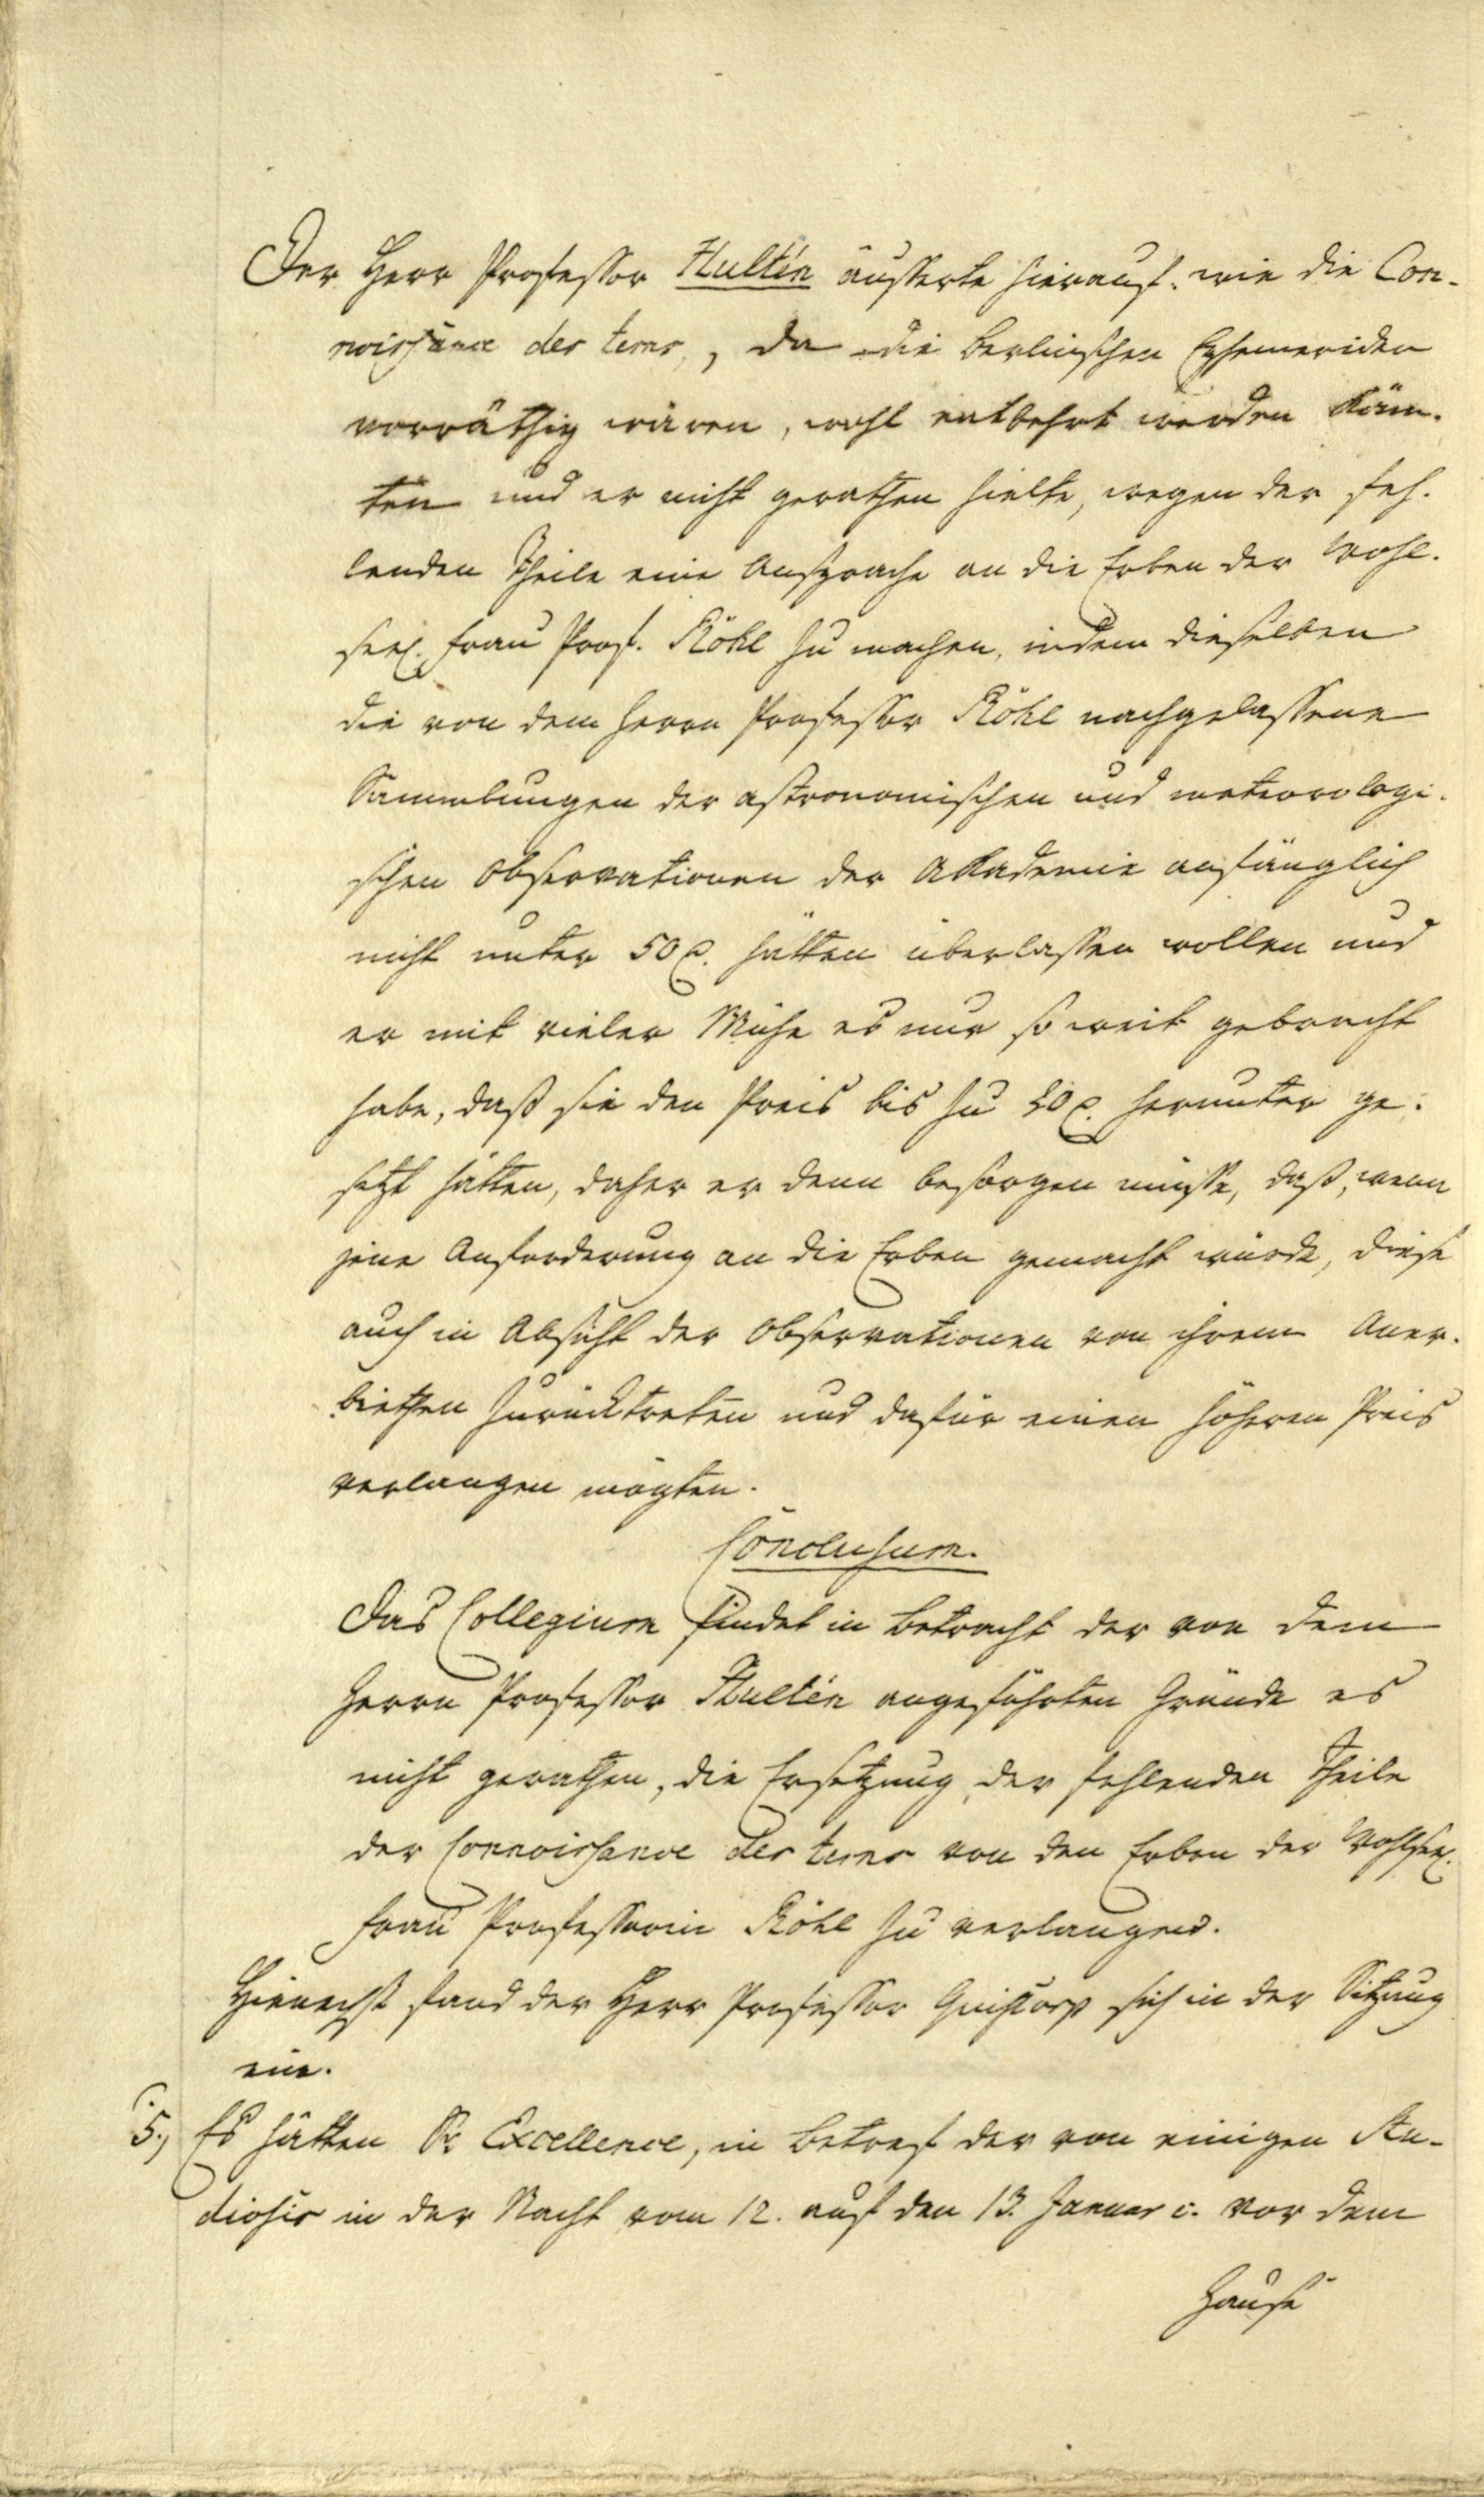Der Herr Professor Hultén äußerte hierauf: wie die Con¬
nvissance der terns, da die Berlinschen Exsemeriden
vorräthig wären, wohl entbehrt werden könn¬
ten und er nicht gerathen hielte, wegen der feh¬
lenden Theile eine Ansprache an die Erben der Wohl¬
seel. Frau Prof. Röhl zu machen, indem dieselben
die von dem Herrn Professor Röhl nachgelassenen
Sammlungen der astronomischen und meteorologi¬
schen Observationen der Akademie anfänglich
nicht unter 50 l. hätten überlassen wollen und
er mit vieler Mühe es nur so weit gebracht
habe, daß sie den Preis bis zu 20 l. herunter ge¬
setzt hätten, daher er denn besorgen müsse, daß, wenn
jene Anforderung an die Erben gemacht würde, diese
auch in Absicht der Observationen von ihrem Aner¬
biethen zurücktreten und dafür einen höheren Preis
verlangen mögten.
Conclusum.
Das Collegium findet in Betracht der von dem
Herrn Professor Hultén angeführten Gründe es
nicht gerathen, die Ersetzung der fehlenden Theile
der Connvissance des terns von den Erben der Wohlseel.
Frau Professorin Röhl zu verlangen.
Hienechst fand der Herr Professor Quistorp sich in der Sitzung
ein.
5., Es hätten Sr Excellence, in Betref der von einigen Stu¬
diosis in der Nacht vom 12. auf den 13. Januar c. vor dem
Hause